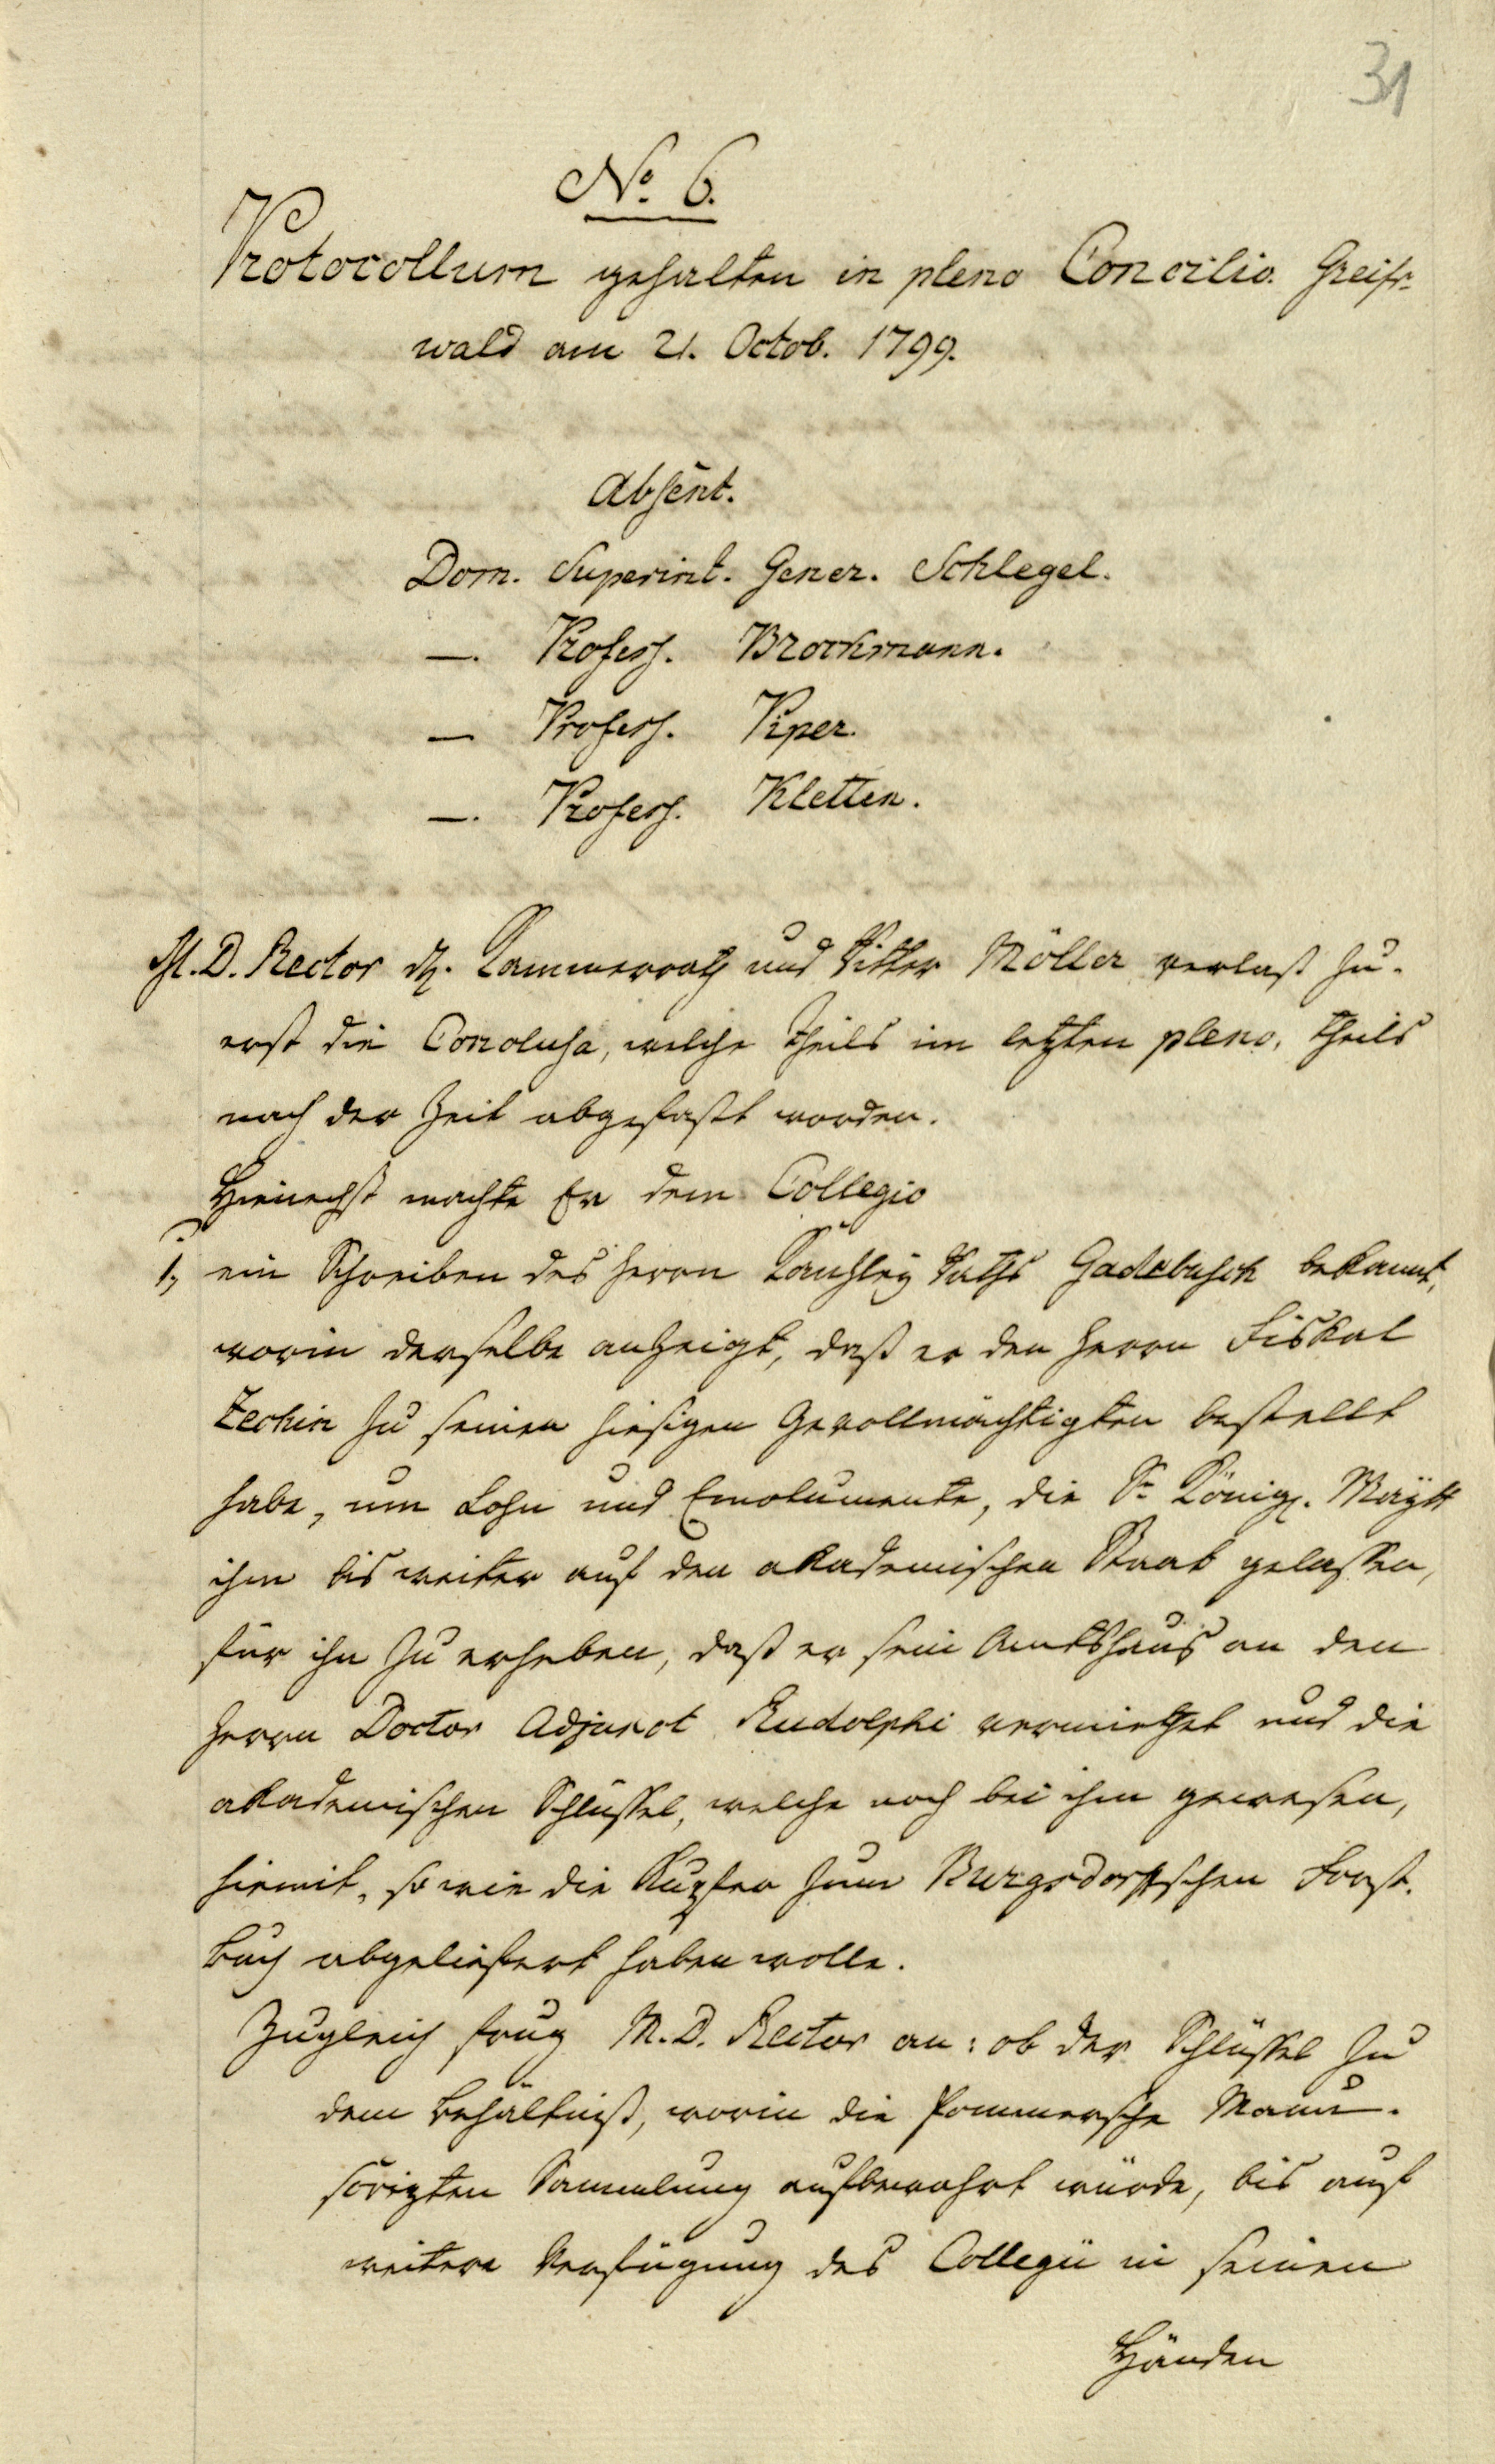No 6.
Protocollum gehalten in pleno Concilio Greifs¬
wald am 21. Octob. 1799.
Absent
Dom. Superint. Gener. Schlegel.
Profess. Brockmann.
Profess. Piper.
Profess. Kletten.
M. D. Rector dh. Kammerrath und Ritter Möller verlaß zu¬
erst die Conclusa, welche Theils im letzten pleno, theils
nach der Zeit abgefaßt worden.
Hienechst machte Er dem Collegio
1, ein Schreiben des Herrn Kanzleÿ Raths Gadebusch bekannt,
worin derselbe anzeigt, daß er den Herrn Fiskal
Zechin zu seinen hiesigen Gevollmächtigten bestellt
habe, um Lohn und Emolumente, die Sr Königl. Maÿtt.
ihm bis weiter auf den akademischen Staat gelassen,
für ihn zu erheben, daß er sein Anmtshaus an den
Herrn Doctor Adjunct Rudolphi vermiethet und die
akademischen Schlüssel, welche noch bei ihm gewesen,
hiemit, so wie die Kupfer zum Burgsdorffschen Forst-
Buch abgeliefert haben wolle.
Zugleich frug M. D. Rector an: ob der Schlüssel zu
dem Behältniß, worin die Pommerschen Manu¬
scripten Sammlung aufbewahrt würde, bis auf
weitere Verfügung des Collegii in seinen
Händen